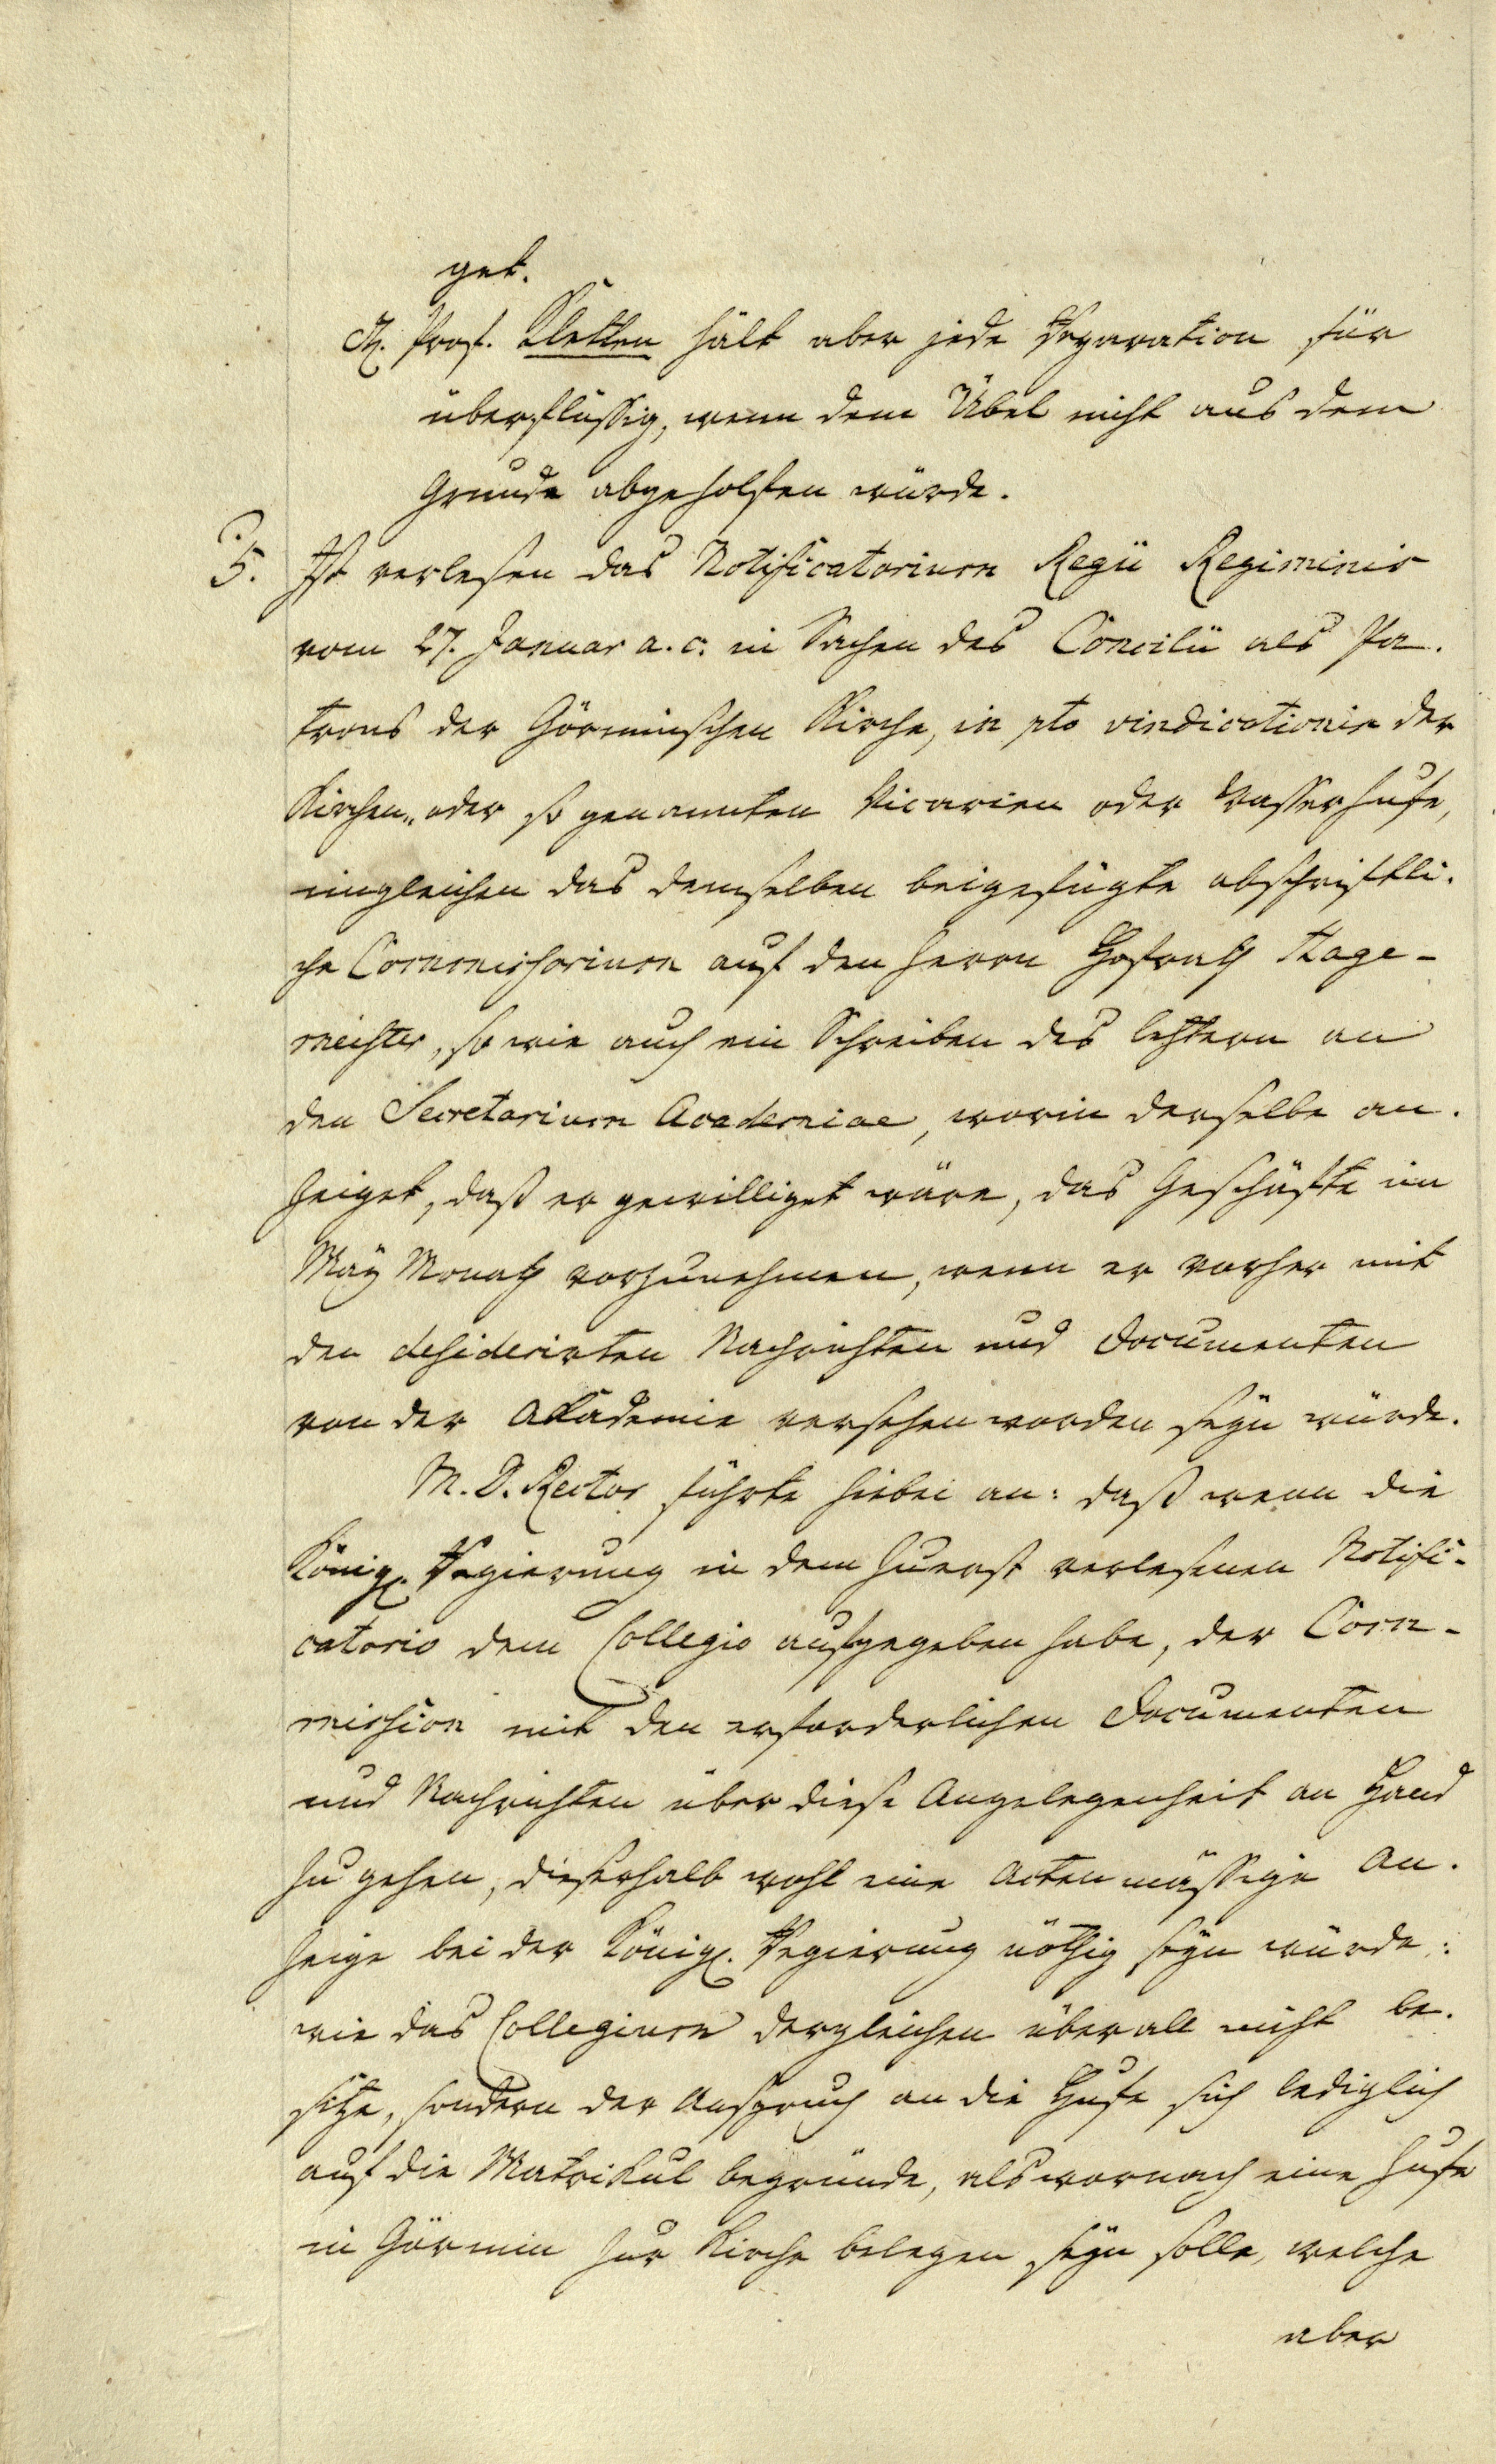get.
dh. Prof. Kletten hält aber jede Reparation für
überflüssig, wenn dem Übel nicht aus dem
Grunde abgeholfen würde.
5. Ist verlesen das Notificatorium regii Regiminis
vom 27. Januar a. c. in Sachen des Concilii als Pa¬
trons der Görminschen Kirche, in pto vindicationis der
Kirchen- oder so genannten Vicarien oder Wasserhufe,
imgleichen das demselben beigefügte abschriftli¬
che Commissorium auf den Herrn Hofrath Hage
meister, so wie auch ein Schreiben des letztern an
den Secretarium Academiae, worin derselbe an¬
zeiget, daß er gewilliget wäre, das Geschäfte im
Maÿ Monath vorzunehmen, wenn er vorher mit
den desiderirten Nachrichten und Documenten
von der Akademie versehen worden seÿn würde.
M. D. Rector führte hiebei an: daß wenn die
Königl. Regierung in dem zuerst verlesenen Notifi¬
catorio dem Collegio aufgegeben habe, der Com¬
mission mit den erforderlichen Documenten
und Nachrichten über diese Angelegenheit an Hand
zu gehen, dieserhalb wohl eine Acten mässige An¬
zeige bei der Königl. Regierung nöthig seÿn würde:
wie das Collegium dergleichen überall nicht be¬
stehe, sondern der Anspruch an die Hufe sich lediglich
auf die Matrikul begründe, als wornach eine Hufe
in Görmin zur Kirche beilegen seÿn solle, welche
aber